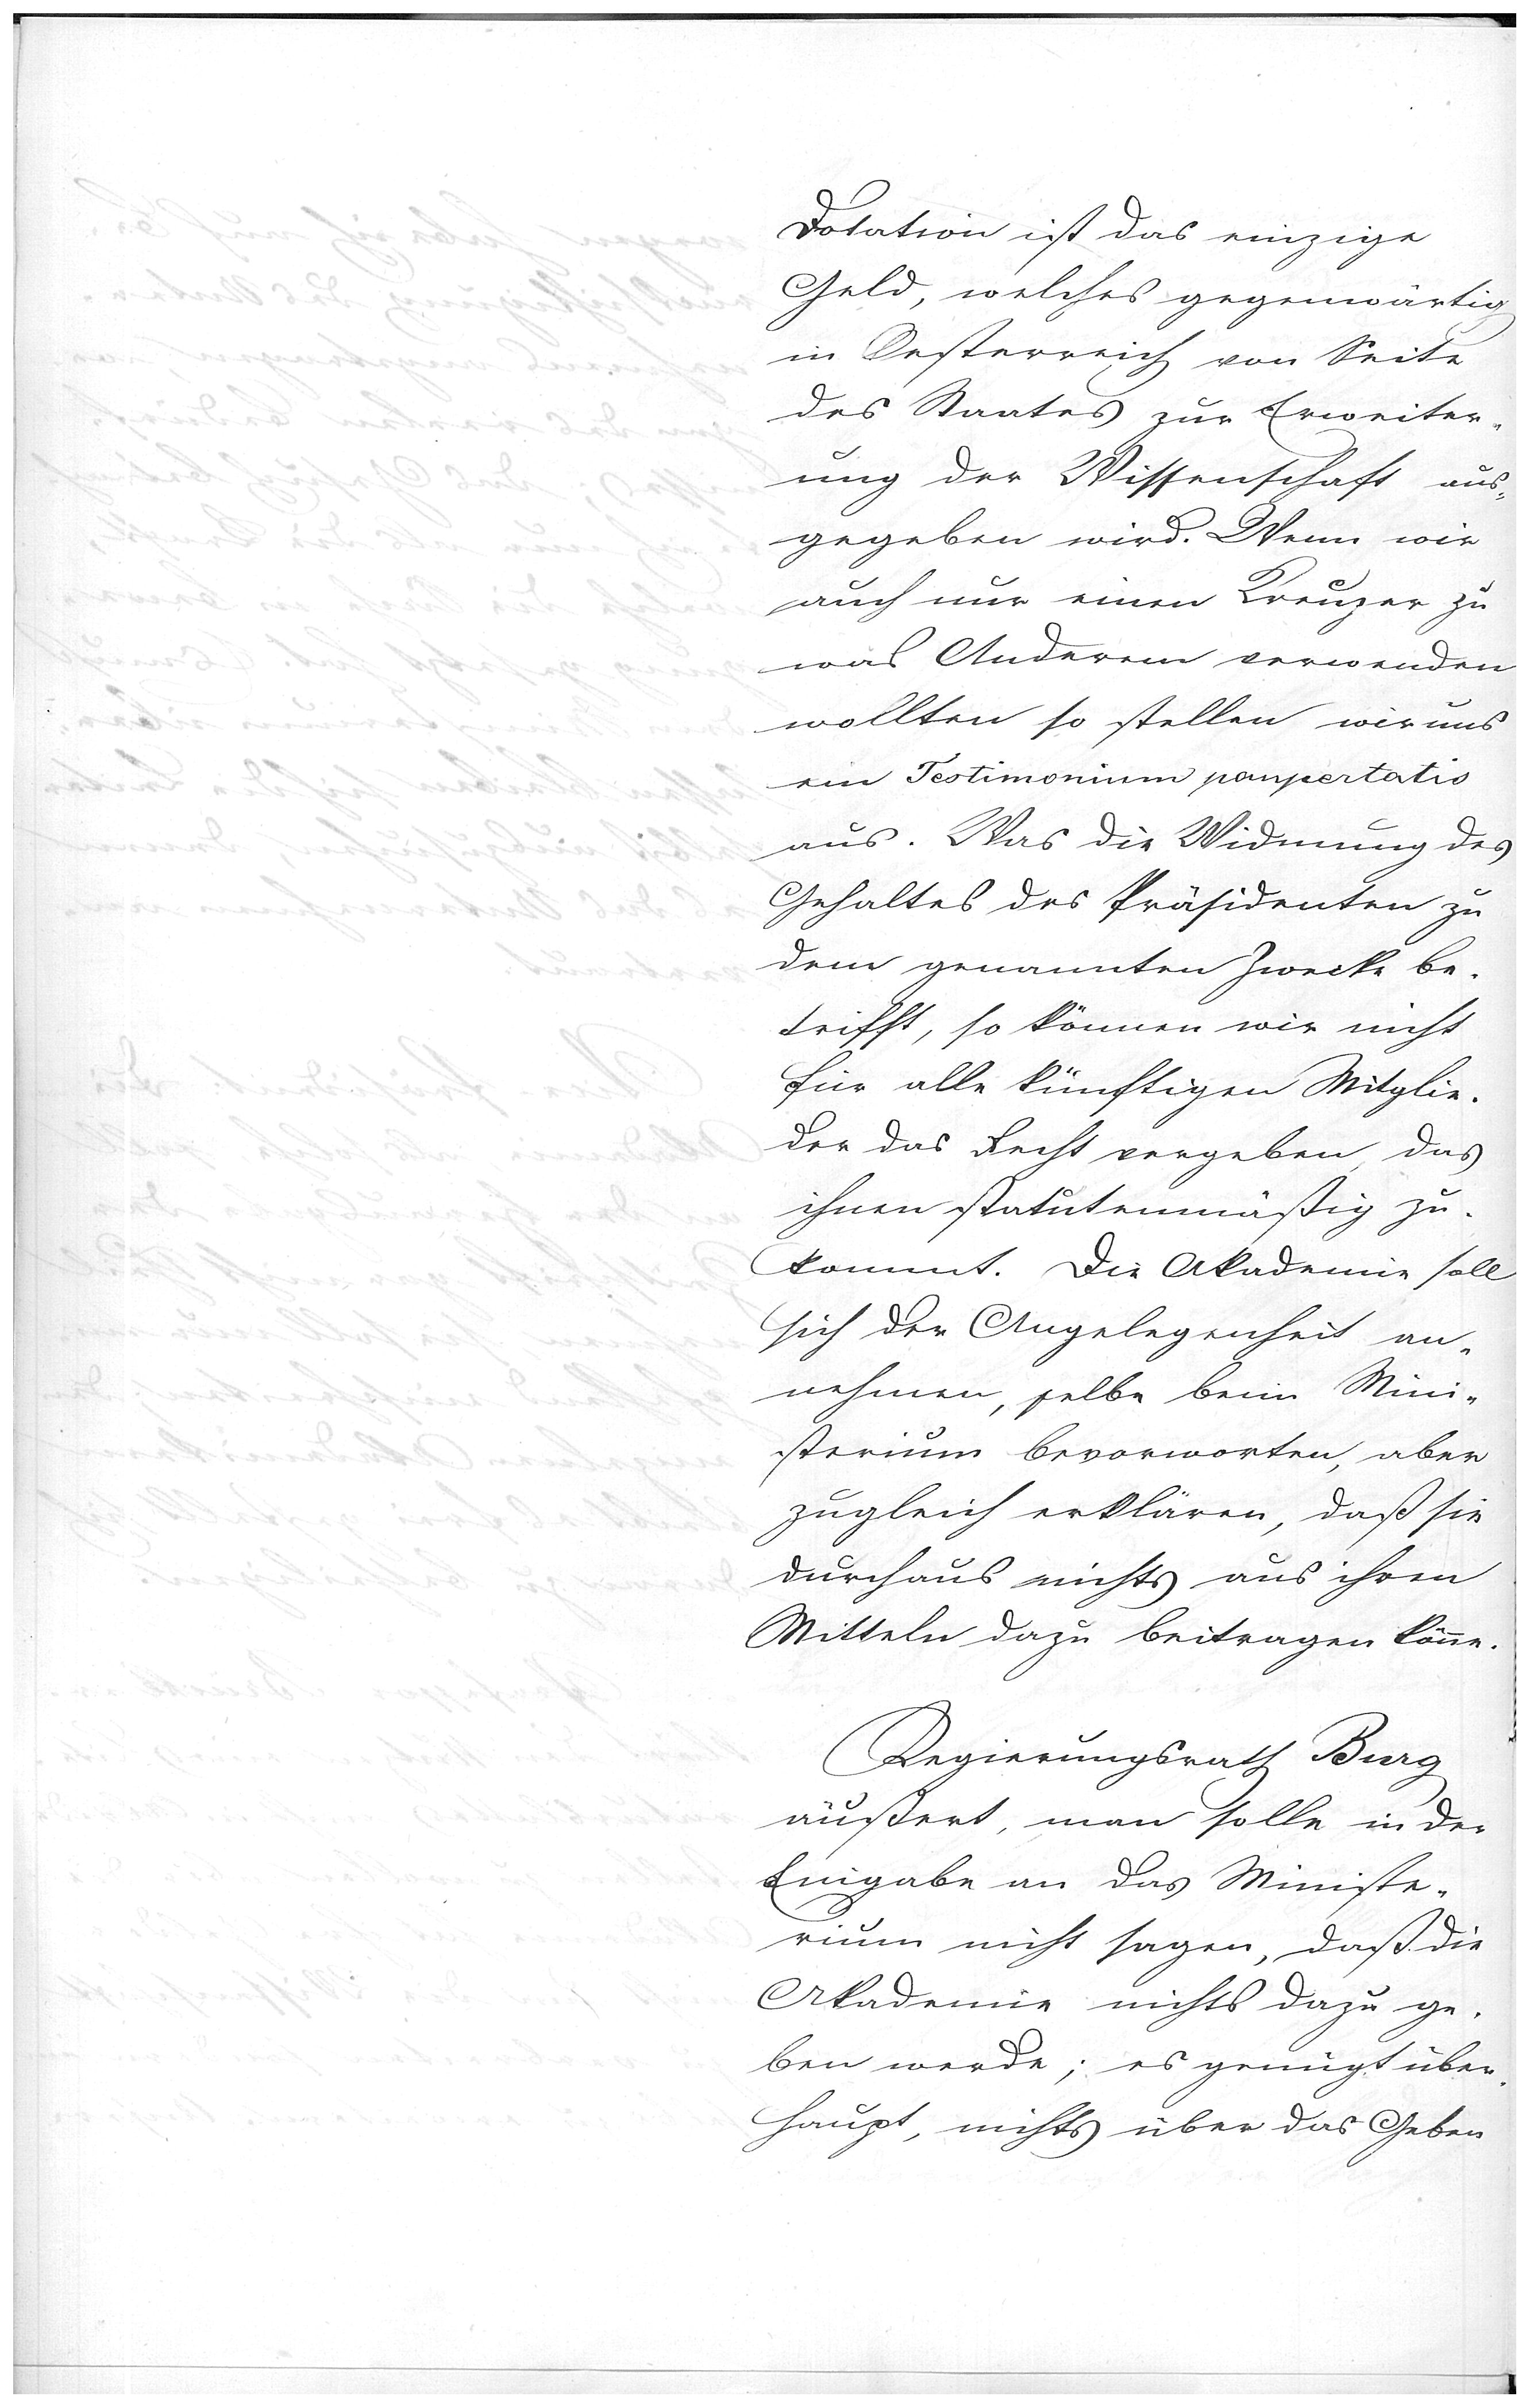Dotation ist das einzige
Geld, welches gegenwärtig
in Oesterreich von Seite
des Staates zur Erweiter-
ung der Wissenschaft aus-
gegeben wird. Wenn wir
auch nur einen Kreuzer zu
was Anderm verwenden
wollten, so stellen wir uns
ein Testimonium pauperitatis
aus. Was die Widmung des
Gehaltes des Präsidenten zu
dem genannten Zwecke be-
trifft, so können wir nicht
für alle künftigen Mitglie-
der das Recht vergeben, das
ihnen statutenmäßig zu-
kommt. Die Akademie soll
sich der Angelegenheit an-
nehmen, selbe beim Mini-
sterium bevorworten, aber
zugleich erklären, daß sie
durchaus nichts aus ihren
Mitteln dazu beitragen könne.
Regierungsrath Burg
äußert, man solle in der
Eingabe an das Ministe-
rium nicht sagen, daß die
Akademie nichts dazu ge-
ben werde; es gemügt über-
haupt, nichts über das Geben